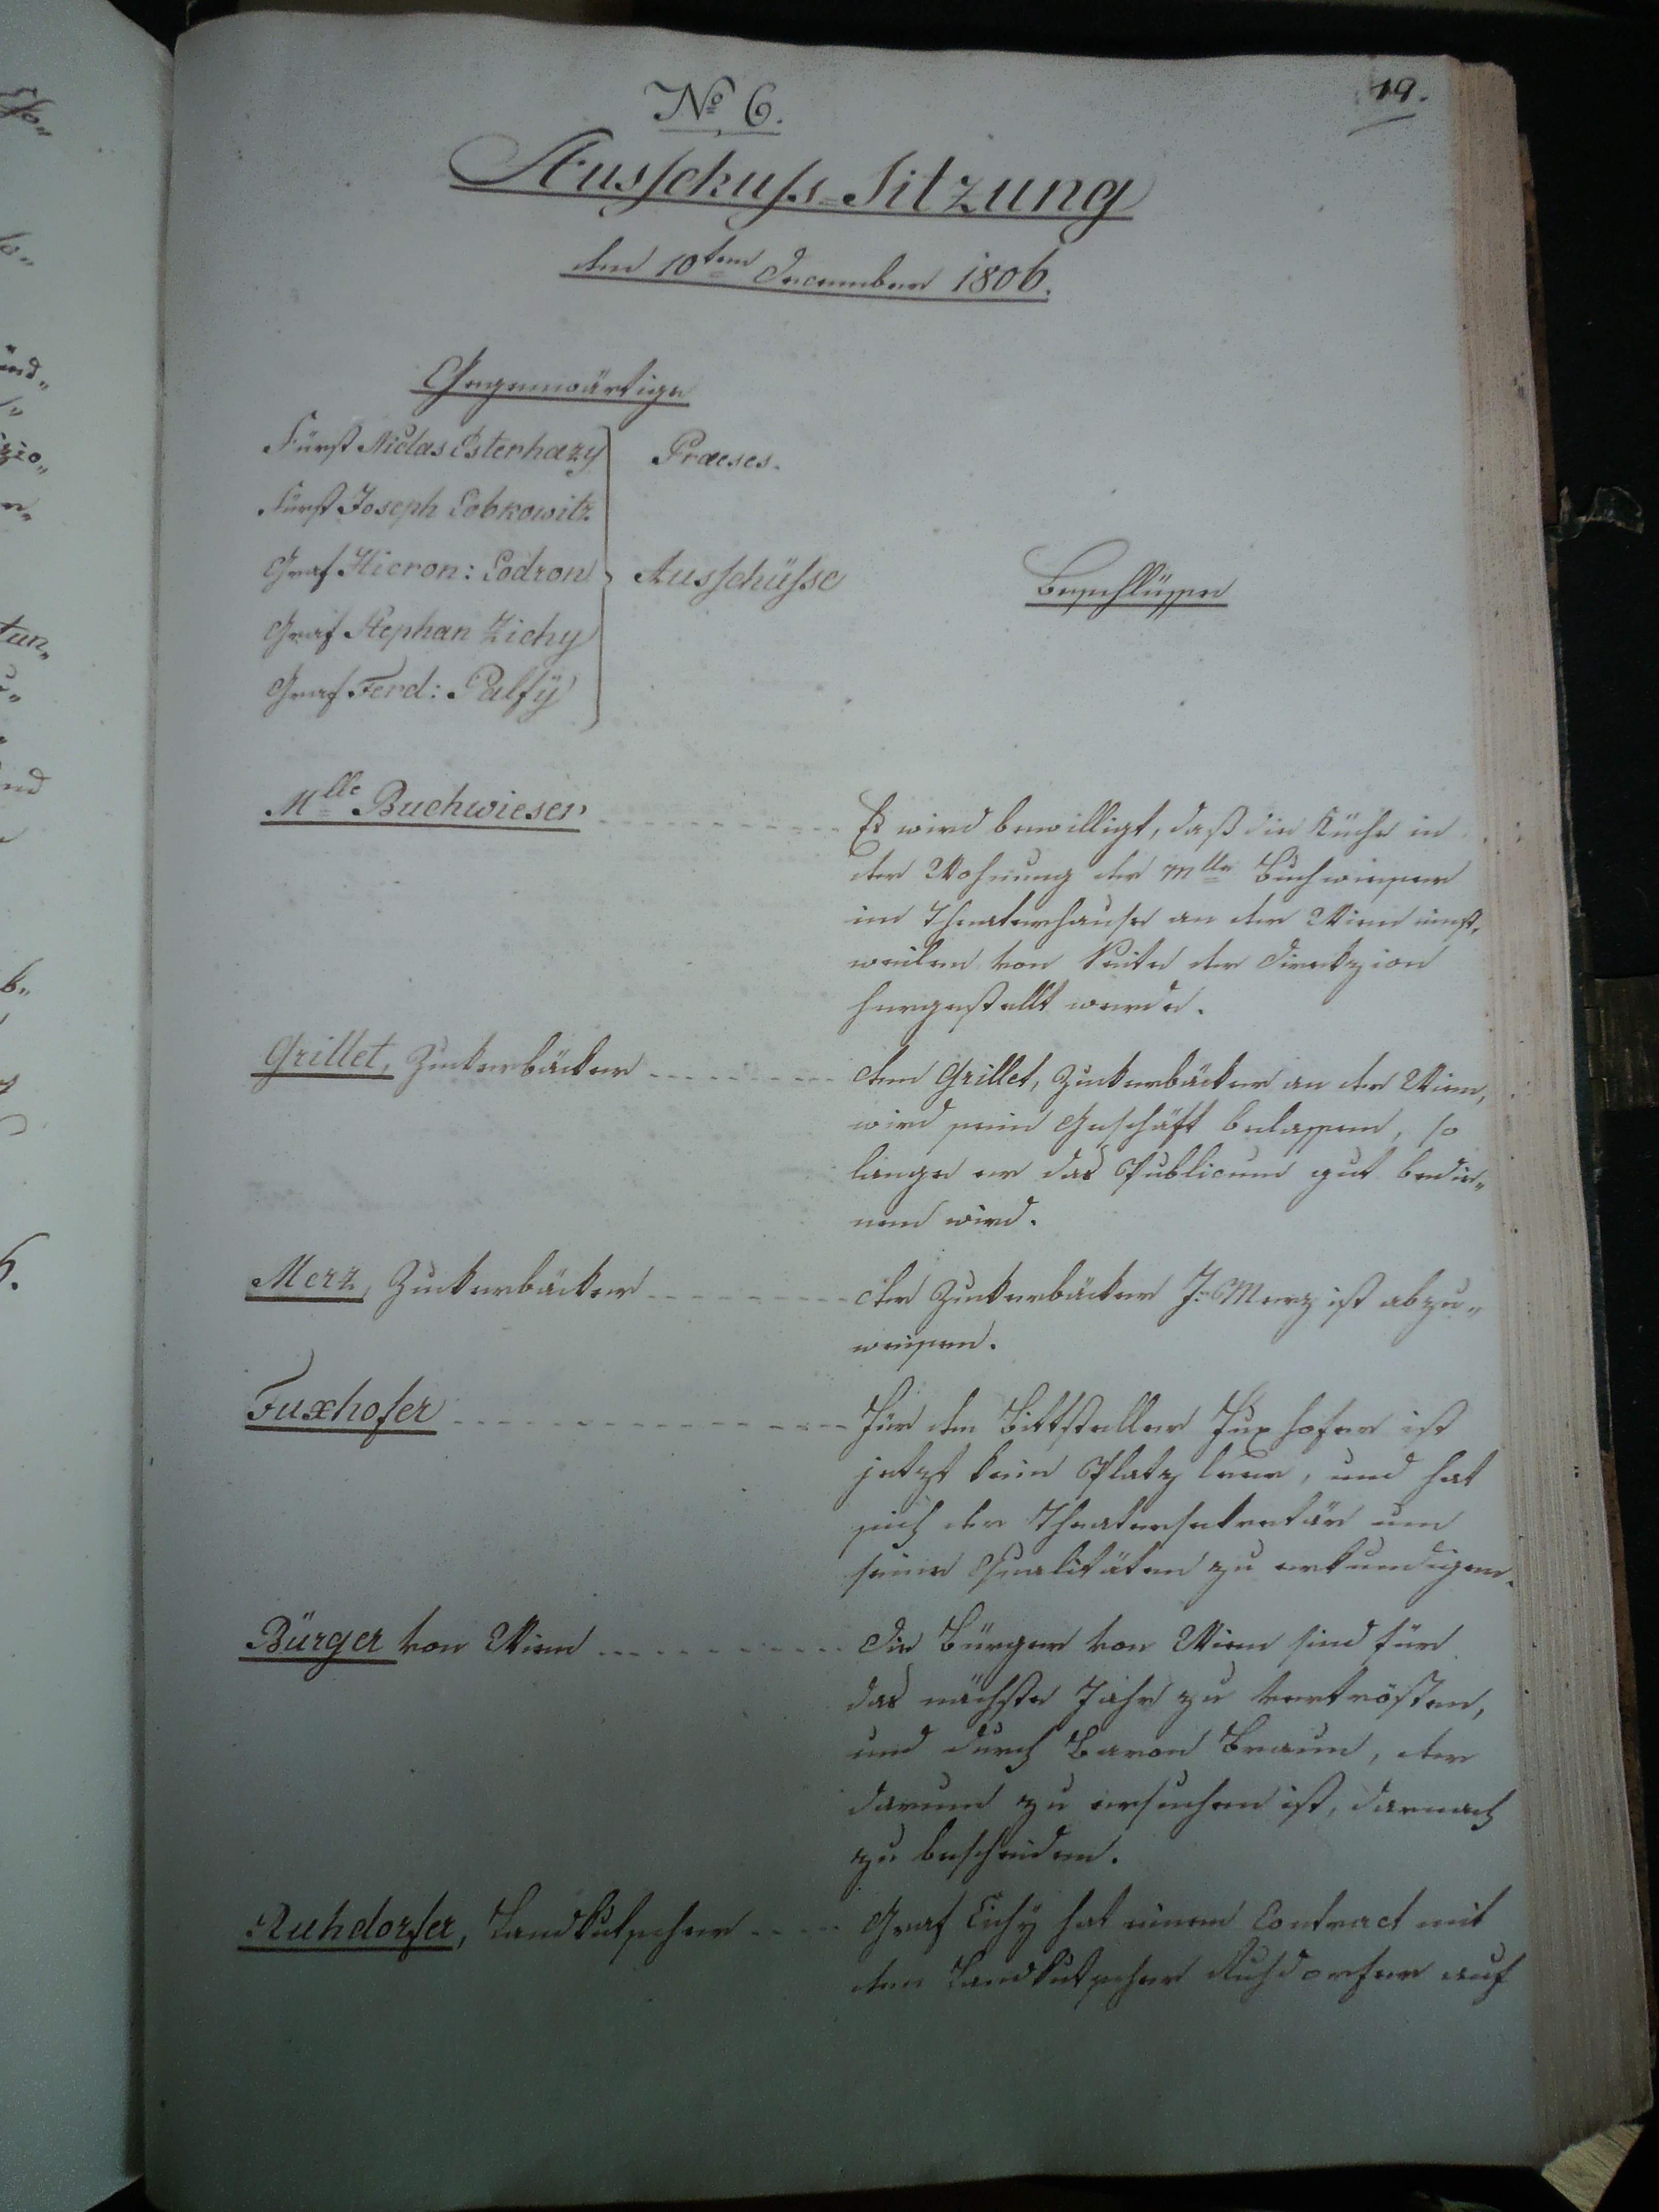19.
No͇ 6.
Ausschuss‗Sitzung
den 10te͇n Dezember 1806.
Gegenwärtige
Fürst Niclas Esterhazy Praeses.
Fürst Joseph Lobkowitz
Graf Hieron: Lodron
Graf Stephan Zichy
Graf Ferd: Palfy
Ausschüsse
Beschlüsse
Ml͇le Buchwieser ……….. Es wird bewilligt, daß die Küche in
der Wohnung der Mll͇e Buchwieser
im Theaterhause an der Wien einst¬
weilen von Seite der Direkzion
hergestellt werde.
Grillet, Zuckerbäcker ……….. Dem Grillet, Zuckerbäcker an der Wien,
wird sein Geschäft belassen, so
lange er das Publicum gut bedie¬
nen wird.
Merz, Zuckerbäcker ………. Der Zuckerbäcker J: Merz ist abzu¬
weisen.
Fuxhofer ……………. Für den Bittsteller Fuxhofer ist
jetzt kein Platz leer, und hat
sich der Theatersekretär um
seine Qualitäten zu erkundigen.
Bürger von Wien ………… Die Bürger von Wien sind für
das nächste Jahr zu vertrösten,
und durch Baron Braun, der
darum zu ersuchen ist, danach
zu bescheiden.
Ruhdorfer, Landkutscher ….. Graf Cichy hat einen Contract mit
dem Landkutscher Ruhdorfer auf